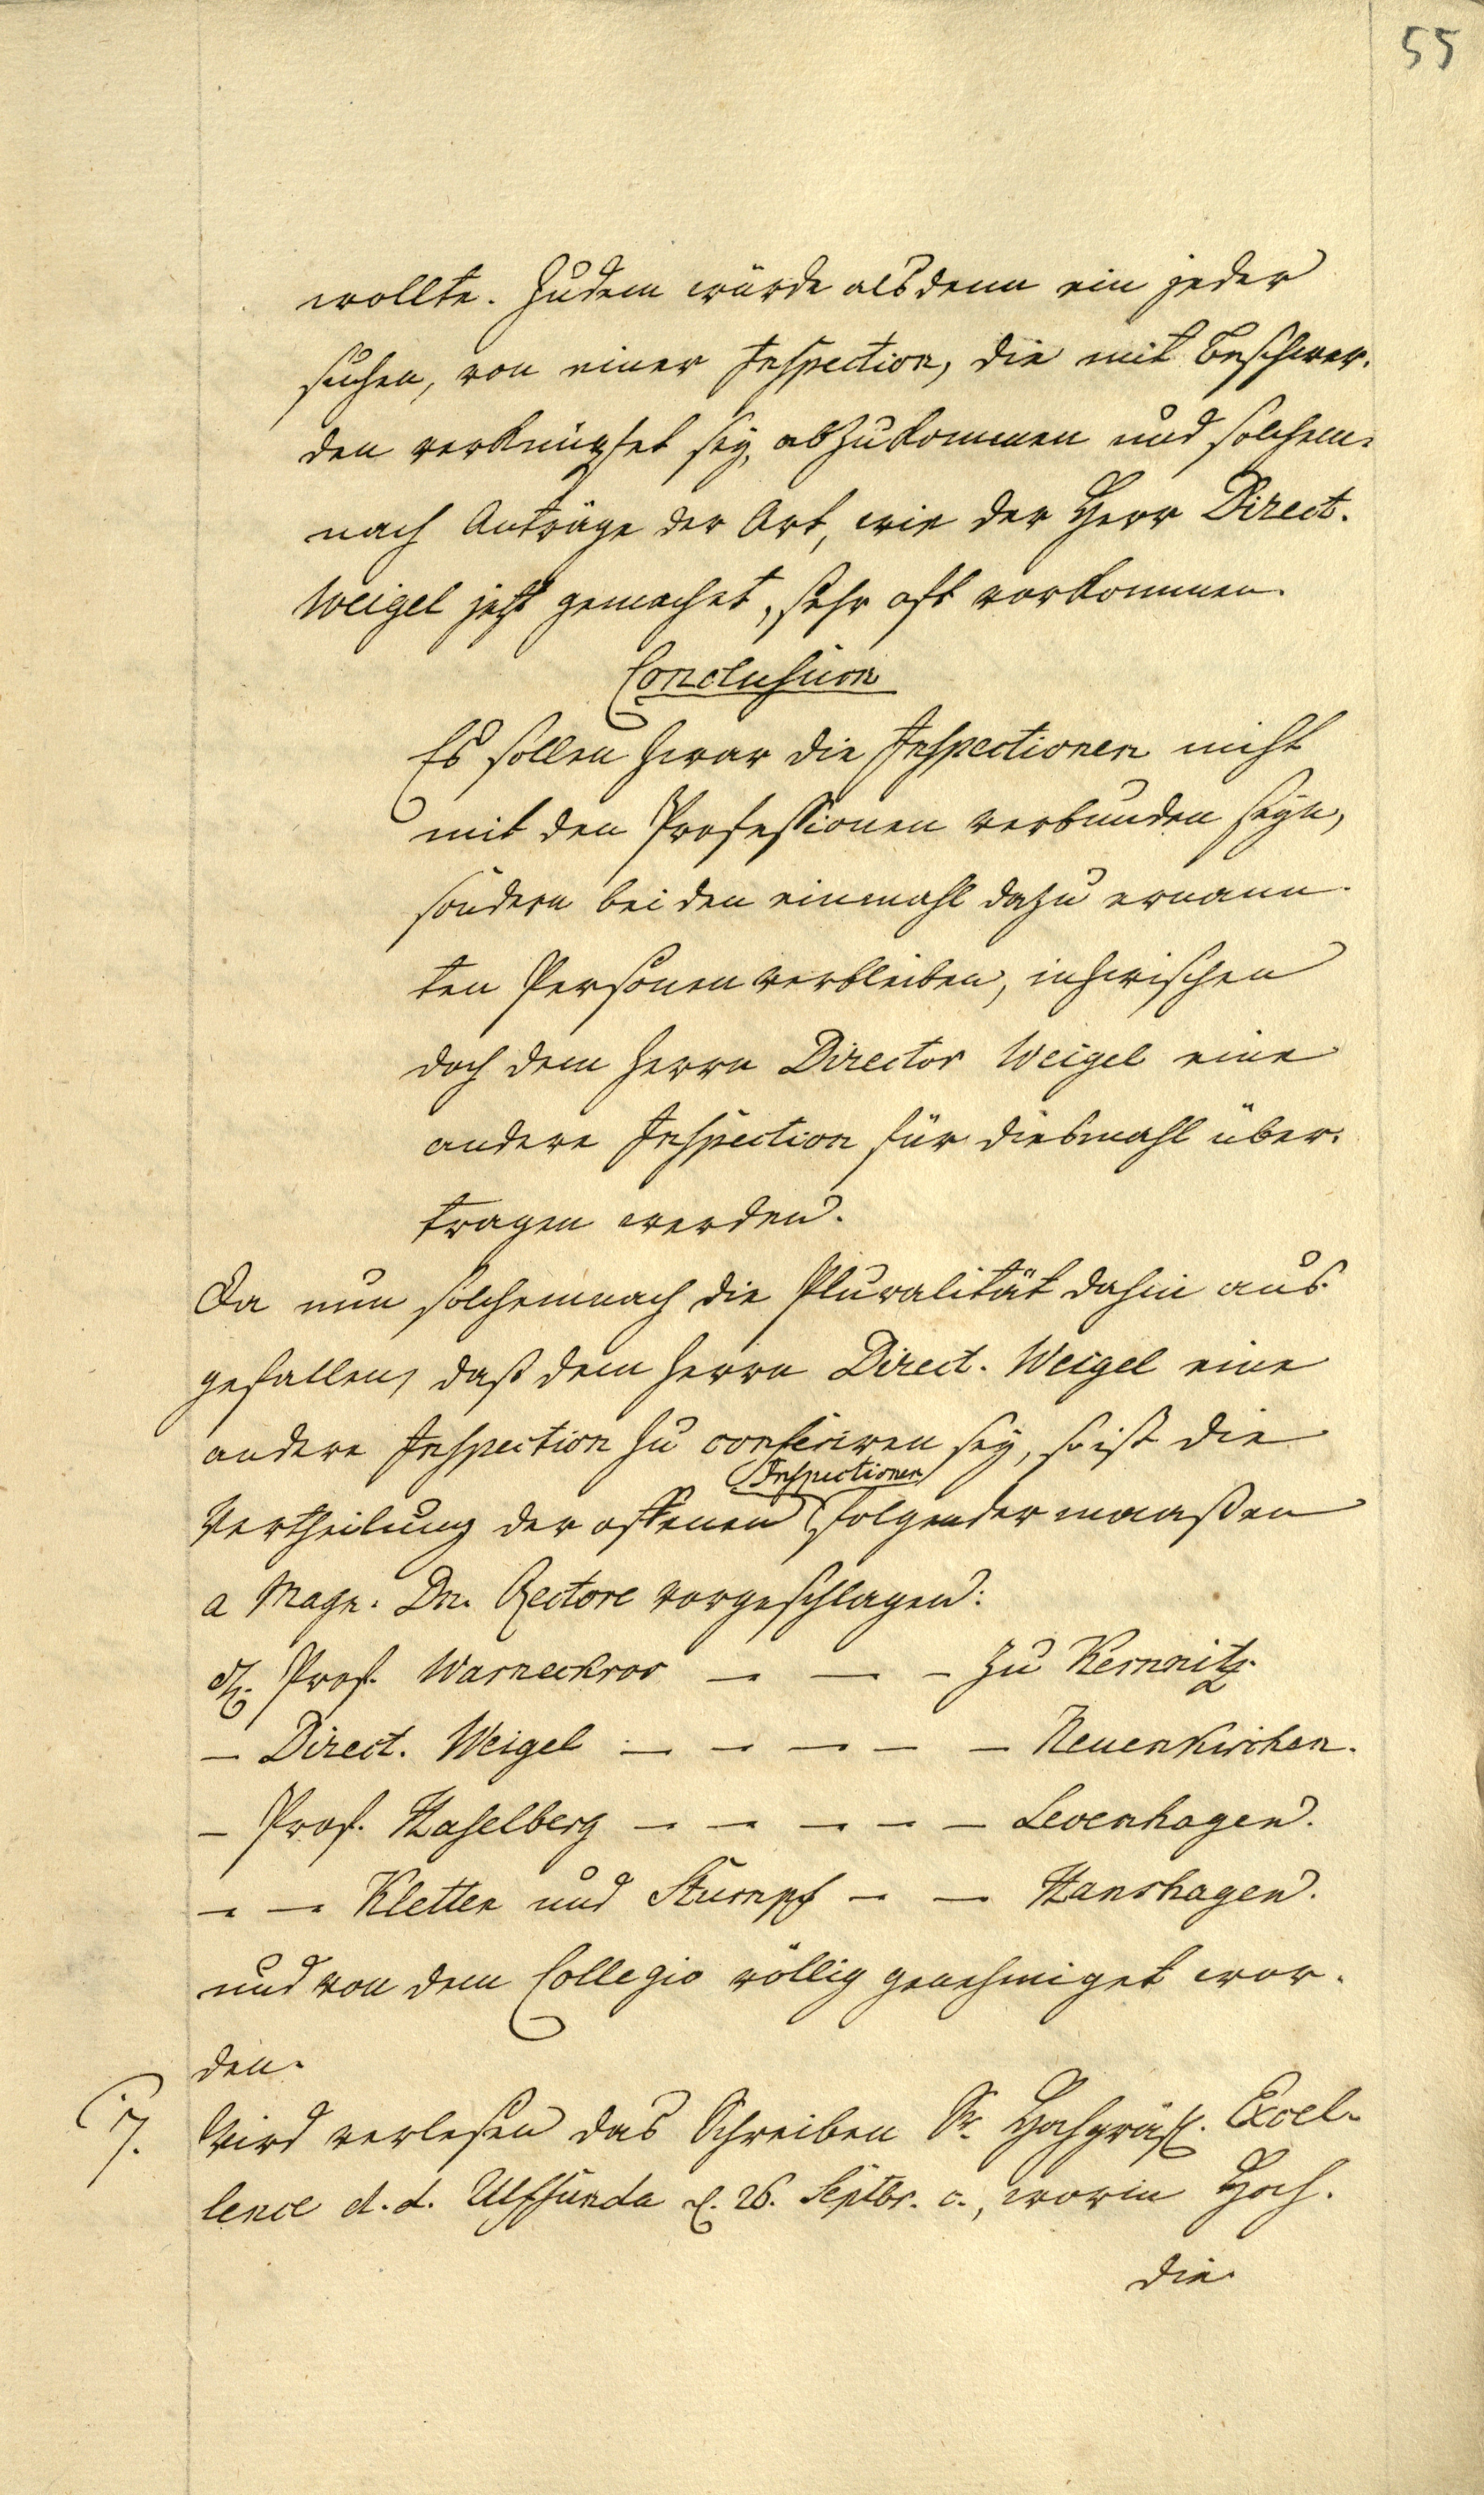wollte. Zudem würde alsdenn ein jeder
suchen, von einer Inspection, die mit Beschwer-
den verknüpfet sey, abzukommen und solchem-
nach Anträge der Art, wie der Herr Direct.
Weigel jetzt gemachet, sehr oft vorkommen.
Conclusum
Es sollen zwar die Inspectionen nicht
mit den Professionen verbunden seyn,
sondern bei den einmahl dazu ernann-
ten Personen verbleiben, inzwischen
doch dem herrn Director Weigel eine
andere Inspection für diesmahl über-
tragen werden.
Da nun solchemnach die Pluralität dahin aus-
gefallen, daß dem herrn Direct. Weigel eine
andere Inspection zu conferiren sey, so ist die
Vertehilung der offenen folgendermaaßen
a Magn. Dn. Rectore vorgeschlagen:
dh. Prof. Warneckros - - - zu Kemnitz.
- Direct. Weigel - - - - - Neuenkrichen.
- Prof. Haselberg - - - - - Levenhagen.
- - Kletten und Stumpf - - Hanshagen.
und von dem Collegio völlig genehmiget wor-
den.
7. Wird verlesen das Schreiben Sr. Hochgräfl. Excel-
lence d.d. Ulfhunda d. 26. Septbr. c., worin Hoch-
die